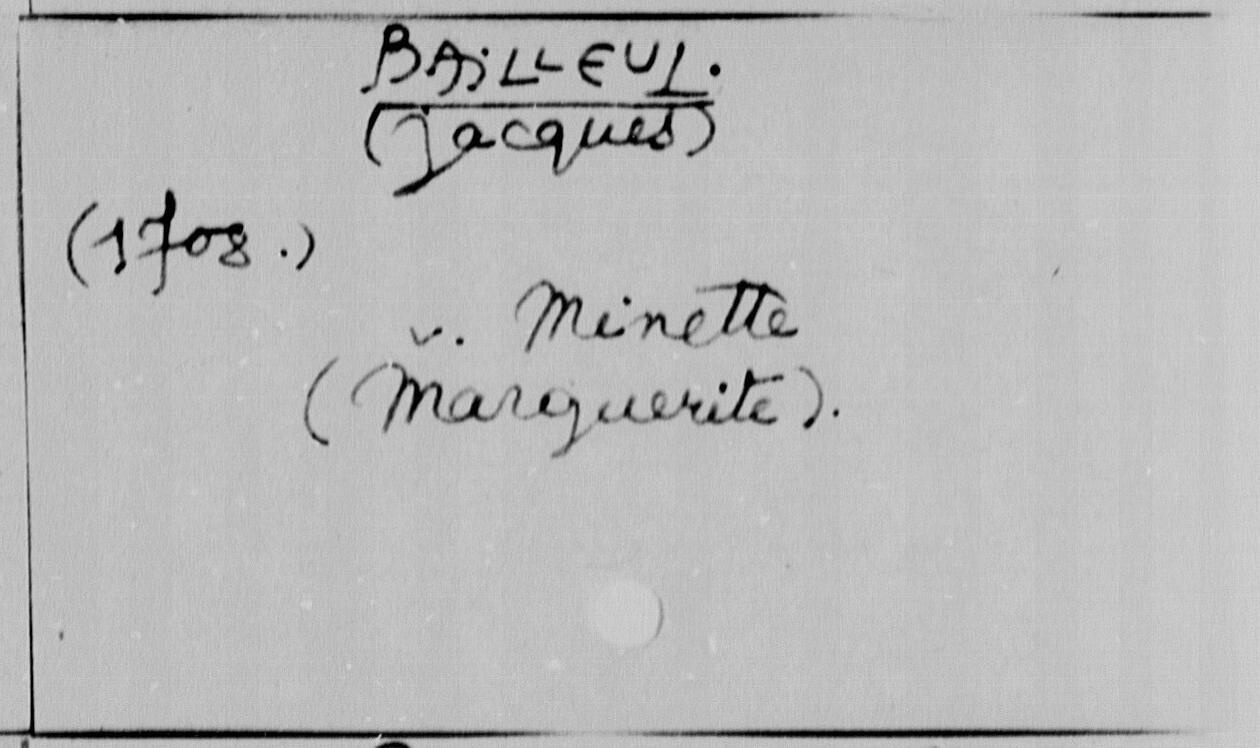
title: BAILLEUL (Jacques)
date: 1708
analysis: Voir Minette (Marguerite)
